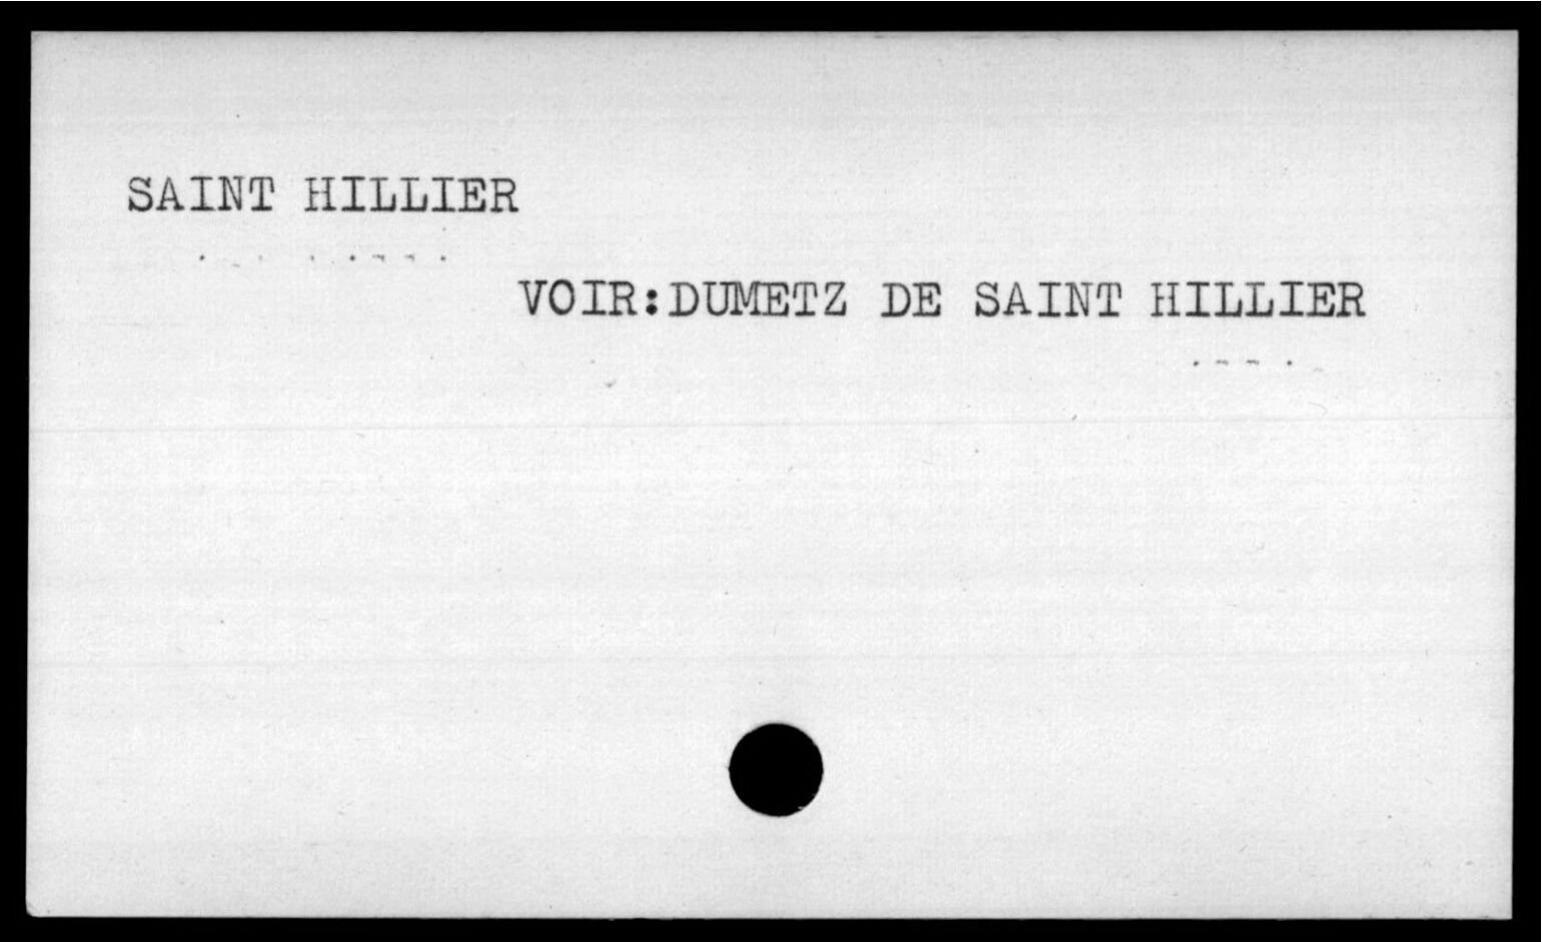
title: SAINT HILLIER
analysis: VOIR : DUMETZ DE SAINT HILLIER
